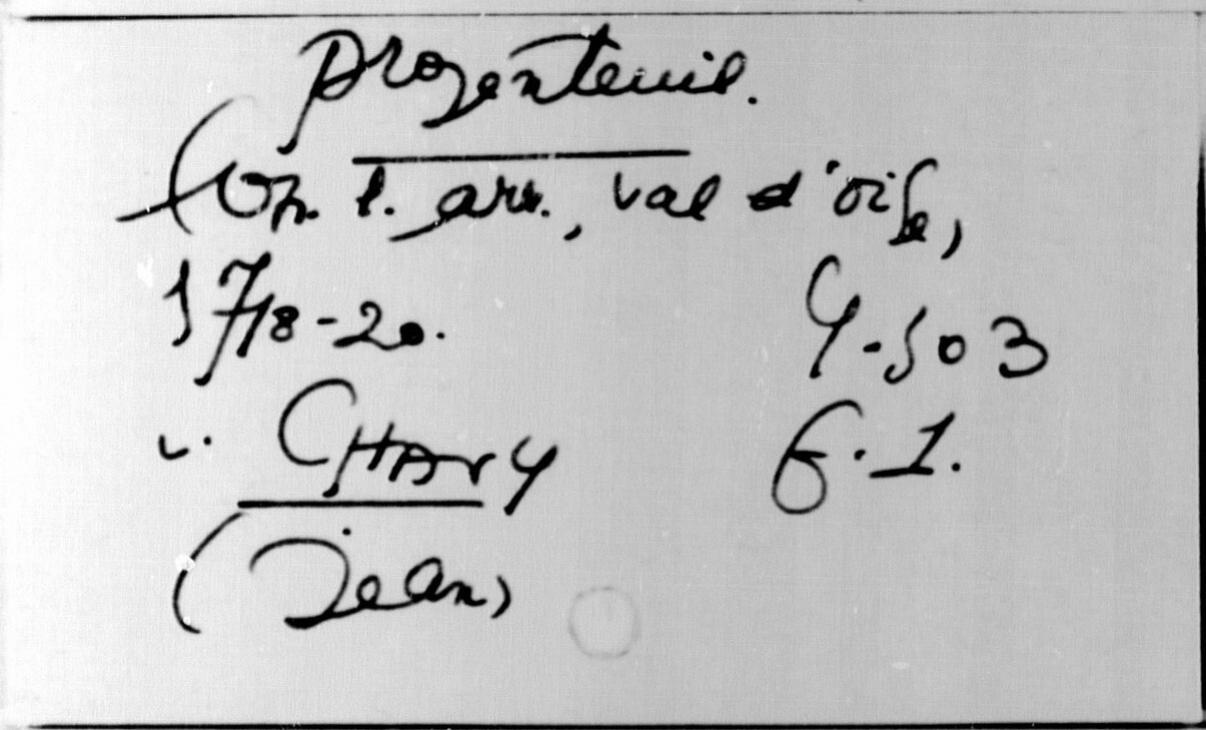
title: Argenteuil (Chef-lieu arrondissement, Val d'Oise)
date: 1718-1720
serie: Y
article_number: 303
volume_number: folio 1
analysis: Voir CHAVY (Jean)
